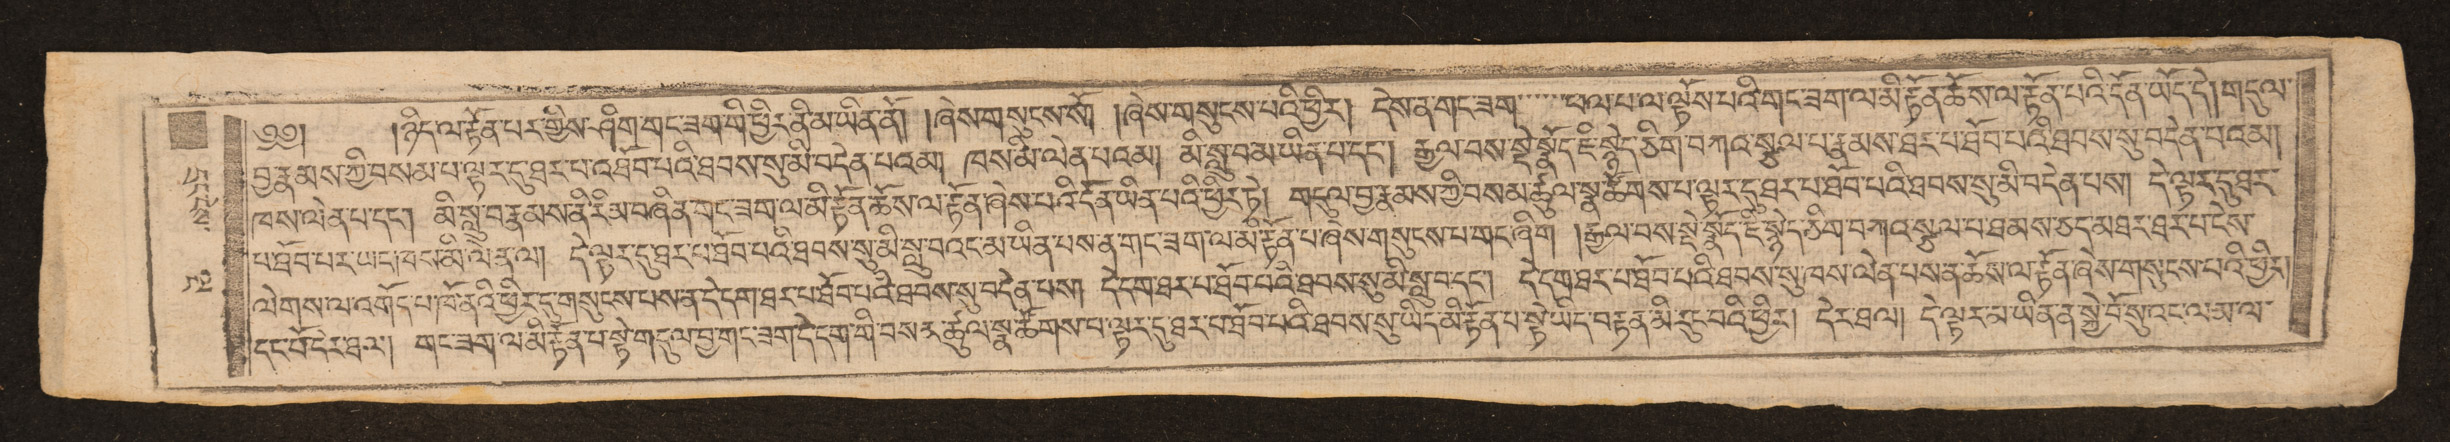༄༅། །ཉིད་ལ་རྟོན་པར་གྱིས་ཤིག་གང་ཟག་གི་ཕྱིར་ནི་མ་ཡིན་ནོ། །ཞེས་གསུངས་སོ། །ཞེས་གསུངས་པའི་ཕྱིར། དེས་ན་གང་ཟག་ཕལ་པ་ལ་ལྟོས་པའི་གང་ཟག་ལ་མི་རྟོན་ཆོས་ལ་རྟོན་པའི་དོན་ཡོད་དེ། གདུལ་
བྱ་རྣམས་ཀྱི་བསམ་པ་ལྟར་དུ་ཐར་པ་འཐོབ་པའི་ཐབས་སུ་མི་བདེན་པའམ། ཁས་མི་ལེན་པའམ། མི་སླུ་བ་མ་ཡིན་པ་དང་། རྒྱལ་བས་སྡེ་སྣོད་ཇི་སྙེད་ཅིག་བཀའ་སྩལ་པ་རྣམས་ཐར་པ་ཐོབ་པའི་ཐབས་སུ་བདེན་པའམ།
ཁས་ལེན་པ་དང་། མི་སླུ་བ་རྣམས་ནི་རིམ་བཞིན་གང་ཟག་ལ་མི་རྟོན་ཆོས་ལ་རྟོན་ཞེས་པའི་དོན་ཡིན་པའི་ཕྱིར་ཏེ། གདུལ་བྱ་རྣམས་ཀྱི་བསམ་ཚུལ་སྣ་ཚོགས་པ་ལྟར་དུ་ཐར་པ་ཐོབ་པའི་ཐབས་སུ་མི་བདེན་པས། དེ་ལྟར་དུ་ཐར་
པ་ཐོབ་པར་ཡང་ཁས་མི་ལེན་ལ། དེ་ལྟར་དུ་ཐར་པ་ཐོབ་པའི་ཐབས་སུ་མི་སླུ་བའང་མ་ཡིན་པས་ན་གང་ཟག་ལ་མི་རྟོན་པ་ཞེས་གསུངས་པ་གང་ཞིག །རྒྱལ་བས་སྡེ་སྣོད་ཇི་སྙེད་ཅིག་བཀའ་སྩལ་པ་ཐམས་ཅད་མཐར་ཐར་བ་ངེས་
ལེགས་ལ་འགོད་པ་ཁོ་ནའི་ཕྱིར་དུ་གསུངས་པས་ན་དེ་དག་ཐར་པ་ཐོབ་པའི་ཐབས་སུ་བདེན་པས། དེ་དག་ཐར་པ་ཐོབ་པའི་ཐབས་སུ་མི་སླུ་བ་དང་། དེ་དག་ཐར་པ་ཐོབ་པའི་ཐབས་སུ་ཁས་ལེན་པས་ན་ཆོས་ལ་རྟོན་ཞེས་གསུངས་པའི་ཕྱིར།
དང་པོ་དེར་ཐལ། གང་ཟག་ལ་མི་རྟོན་པ་སྟེ་གདུལ་བྱ་གང་ཟག་དེ་དག་གི་བསམ་ཚུལ་སྣ་ཚོགས་པ་ལྟར་དུ་ཐར་བ་ཐོབ་པའི་ཐབས་སུ་ཡིད་མི་རྟོན་པ་སྟེ་ཡིད་བརྟན་མི་རུང་བའི་ཕྱིར། དེར་ཐལ། དེ་ལྟར་མ་ཡིན་ན་སྐྱེ་བོ་སུ་རང་ལམ་ལ་